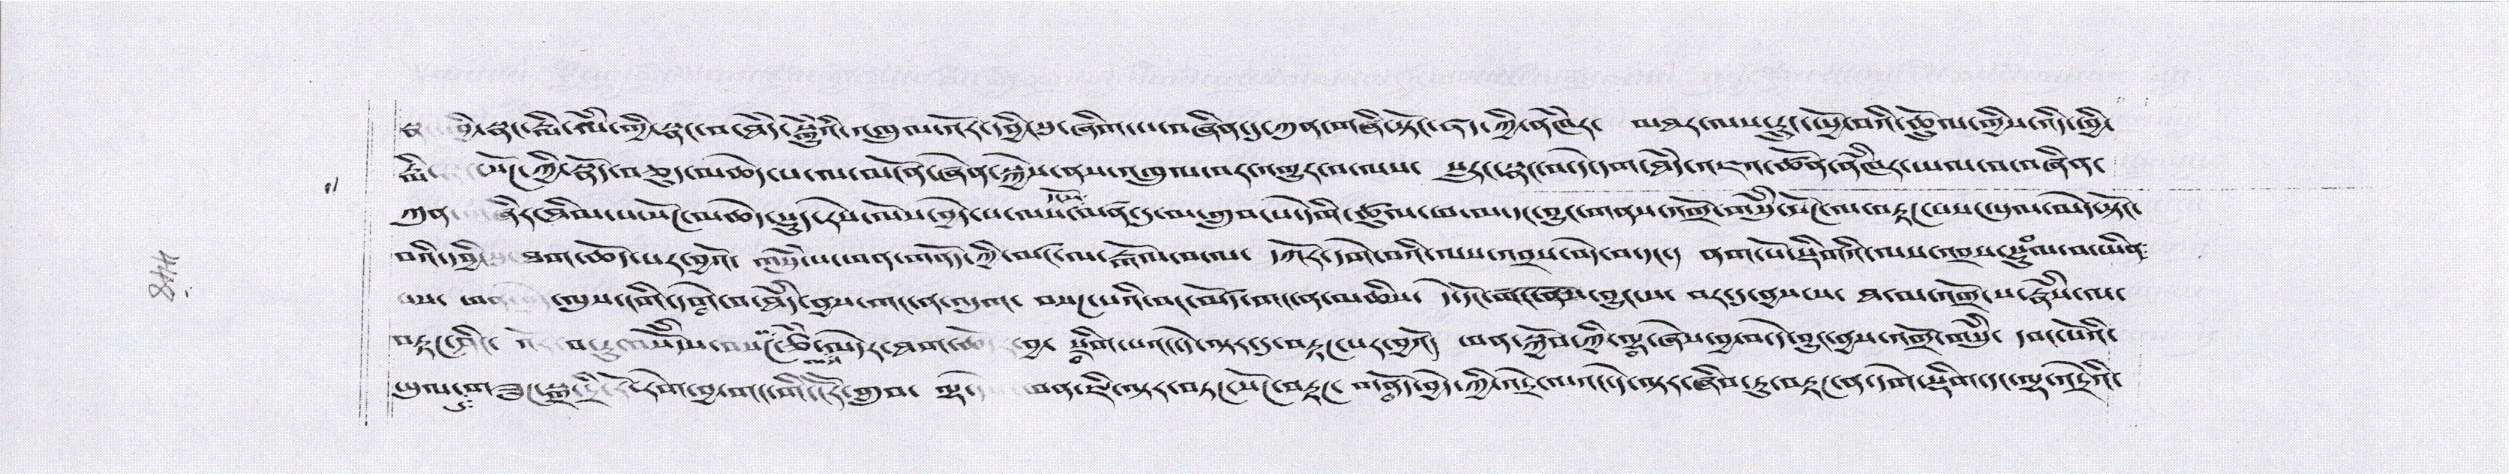སྣང་ཕྱི་ནང་རྨི་ལམ་གྱི་སྣང་བ་ཐམས་ཅད་སྒྱུ་མའི་འཁྲུལ་འཁོར་དབྱིངས་སུ་ཞིག་པ་བཞིན་དུ་ཀུན་གཞི་སྟོང་ཧད་ཀྱི་ནམ་མཁར། མཐར་ལས་རླུང་གཡོ་བའི་ཆོ་འཕྲུལ་གྱིས་འདི་ཕྱི་
རྨི་སྣང་སོགས་ཀྱི་སྣོད་བཅུད་མཆེད་པ་ལ་མངོན་ཞེན་སྐྱེས་ནས་འཁྲུལ་པར་འགྱུར་བ་ལས། སླར་སྣང་བ་དེ་དག་ཐམས་ཅད་འཇའ་ཚོན་ནམ་མཁར་ཡལ་བ་བཞིན་
ཀུན་གཞིར་ཐིམ་པ་སོགས་མཆེད་སྡུད་རེས་མོས་བྱེད་པ་ལ་མངོན་མཚན་དུ་མ་གྲུབ་པ་དེ་དག་གི་ཚུལ་ཕ་མ་དང་བྱུང་གནས་འགྲོ་གསུམ་སོགས་ལ་བརྟགས་པས་ཡུལ་མེད་སྟོང་
པའི་དབྱིངས་སུ་ཐག་ཆོད་པར་བྱའོ། །གསུམ་པ་ཕན་གནོད་ཀྱི་མཚང་ལ་རྒོལ་བ་ལ། དཀར་པོ་དགེ་བའི་ལས་འབྲས་བདེ་བ་དང་། ནག་པོ་སྡིག་པའི་ལས་འབྲས་སྡུག་བསྔལ་བ་ཡིན་
པས། ཕན་གནོད་ལུས་ངག་གི་དགེ་བ་ཐམས་ཅད་གནས་གང་ན་འདུག བསགས་པའི་བང་མཛོད་གང་ན་མཆིས། དེ་དང་པོ་གང་ནས་བྱུང་ས། བར་དུ་གནས་ས། ཐ་མ་འགྲོ་ས་རྣམས་ལ་
བརྟགས་ཤིང་། འཁོར་བ་རུ་བསོད་ནམས་བསགས་པ་ཙམ་ལས་མེད་པར་ཐག་ཆོད་པར་བྱ། སྡིག་པའང་དེ་ལྟར་དུ་བརྟགས་པར་བྱའོ། ཕན་སྐྱོབས་ཀྱི་ལྷ་ཞེས་བྱ་བ་དེ་བྱུང་གནས་འགྲོ་གསུམ་དབང་པོའི་
ཡུལ་དུ་གཟུགས་སྒྲ་དྲི་རོ་རེག་བྱ་གང་གི་ངོ་བོར་གྲུབ། ལྷ་དེས་ཕན་ཇི་ལྟར་བརྟགས་སོགས་བརྟགས། ཕན་གནོད་ཀྱི་འདྲེ་ལའང་དེ་ལྟར་ཞིབ་ཏུ་བརྟགས་ན་དགེ་སྡིག་དང་ལྷ་འདྲེའི་